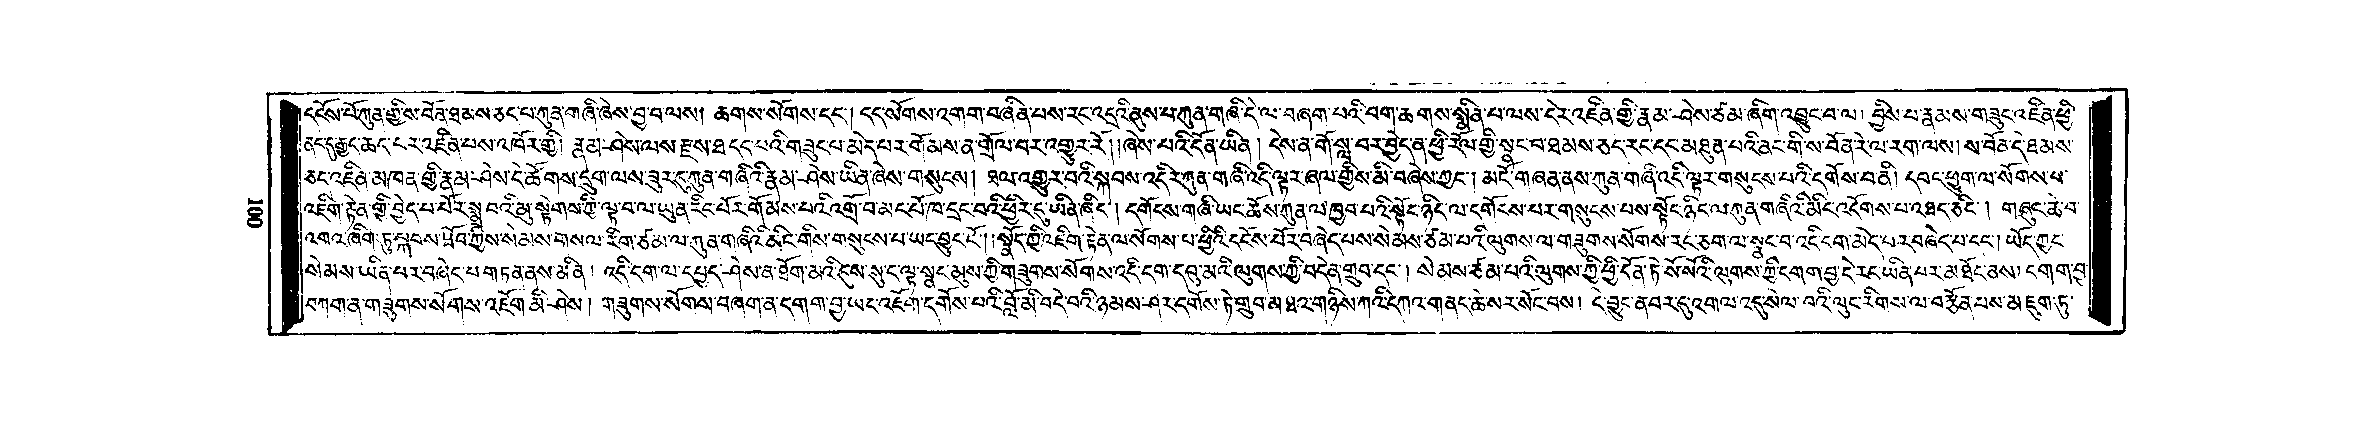དངོས་པོ་ཀུན་གྱི་ས་བོན་ཐམས་ཅད་པ་ཀུན་གཞི་ཞེས་བྱ་བ་ལས། ཆགས་སོགས་དང་། དད་སོགས་འགག་བཞིན་པས་རང་འདྲའི་ནུས་པ་ཀུན་གཞི་དེ་ལ་བཞག་པའི་བག་ཆགས་སྨིན་པ་ལས་དེར་འཛིན་གྱི་རྣམ་ཤེས་ཙམ་ཞིག་འབྱུང་བ་ལ། བྱིས་པ་རྣམས་གཟུང་འཛིན་ཕྱི་
ནང་དུ་རྒྱང་ཆད་པར་འཛིན་པས་འཁོར་གྱི། རྣམ་ཤེས་ལས་རྫས་ཐ་དད་པའི་གཟུང་པ་མེད་པར་གོམས་ན་གྲོལ་བར་འགྱུར་རོ། །ཞེས་པའི་དོན་ཡིན། དེས་ན་གོ་སླ་བར་བྱེད་ན་ཕྱི་རོལ་གྱི་སྣང་བ་ཐམས་ཅད་རང་དང་མཐུན་པའི་ནང་གི་ས་བོན་རེ་ལ་རག་ལས། ས་བོན་དེ་ཐམས་
ཅད་འཛིན་མཁན་གྱི་རྣམ་ཤེས་དེ་ཚོགས་དྲུག་ལས་ཟུར་དུ་ཀུན་གཞིའི་རྣམ་ཤེས་ཡིན་ཞེས་གསུངས། ཐལ་འགྱུར་བའི་སྐབས་འདིར་ཀུན་གཞི་འདི་ལྟར་ཞལ་གྱིས་མི་བཞེས་ཀྱང་། མདོ་གཞན་ནས་ཀུན་གཞི་འདི་ལྟར་གསུངས་པའི་དགོས་པ་ནི། དབང་ཕྱུག་ལ་སོགས་པ་
འཇིག་རྟེན་གྱི་བྱེད་པ་པོར་སྨྲ་བའི་མུ་སྟེགས་ཀྱི་ལྟ་བ་ལ་ཡུན་རིང་པོར་གོམས་པའི་འགྲོ་བ་མང་པོ་ཁ་དྲང་བའི་ཕྱིར་དུ་ཡིན་ཞིང་། དགོངས་གཞི་ཡང་ཆོས་ཀུན་ལ་ཁྱབ་པའི་སྟོང་ཉིད་ལ་དགོངས་པར་གསུངས་པས་སྟོང་ཉིད་ལ་ཀུན་གཞིའི་མིང་འདོགས་པ་འཐད་ཅིང་། གཞུང་ཆེ་བ་
འགའ་ཞིག་ཏུ་སྐབས་ཐོབ་ཀྱིས་སེམས་གསལ་རིག་ཙམ་ལ་ཀུན་གཞིའི་མིང་གིས་གསུངས་པ་ཡང་བྱུང་ངོ། །སྣོད་ཀྱི་འཇིག་རྟེན་ལ་སོགས་པ་ཕྱིའི་དངོས་པོར་བཞེད་པས་སེམས་ཙམ་པའི་ལུགས་ལ་གཟུགས་སོགས་ཏྲང་ཅག་ལ་སྣང་བ་འདི་དག་མེད་པར་བཞེད་པ་དང་། ཡོད་ཀྱང་
སེམས་ཡིན་པར་བཞེད་པ་གཏན་ནས་མིན། འདི་དག་ལ་དཔྱད་ཤེས་ན་ཐོག་མའི་དུས་སུ་ད་ལྟ་སྣང་མུས་ཀྱི་གཟུགས་སོགས་འདི་དག་དབུ་མའི་ལུགས་ཀྱི་བདེན་གྲུབ་དང་། སེམས་ཙམ་པའི་ལུགས་ཀྱི་ཕྱི་དོན་ཏེ་སོ་སོའི་ལུགས་ཀྱི་དགག་བྱ་དེ་རང་ཡིན་པར་མཐོང་ནས། དགག་བྱ་
བཀག་ན་གཟུགས་སོགས་འཇོག་མི་ཤེས། གཟུགས་སོགས་བཞག་ན་དགག་བྱ་ཡང་འཇོག་དགོས་པའི་བློ་མི་བདེ་བའི་ཉམས་ཤར་དགོས་ཏེ་གྲུབ་མཐའ་གཉིས་ཀའི་དཀའ་གནད་ཆེ་སར་སོང་བས། དེ་བྱུང་ན་བར་དུ་འགལ་འདུ་སེལ་བའི་ལུང་རིགས་ལ་བརྩོན་པས་མཇུག་ཏ་